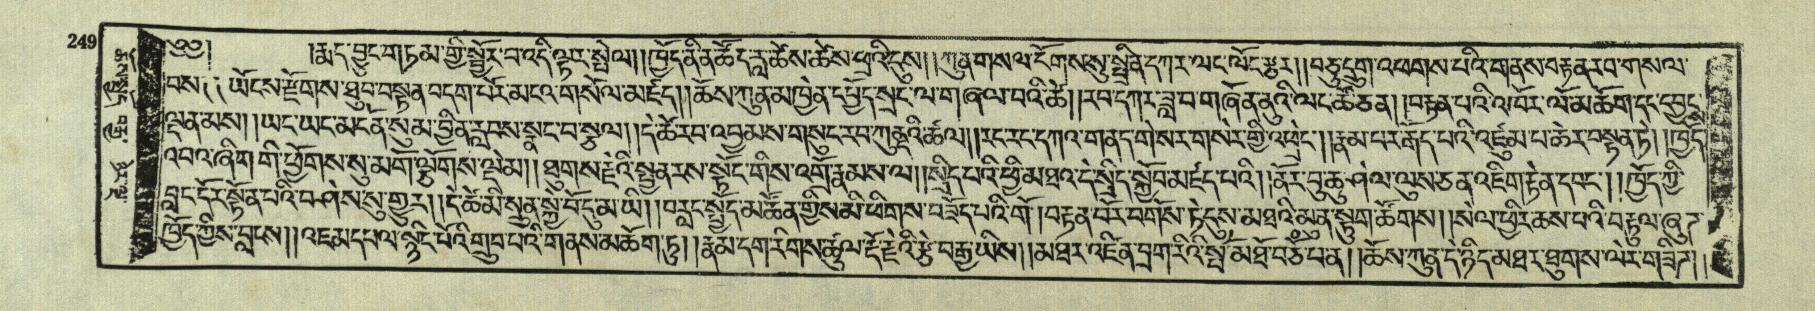༄༅། །རྨད་བྱུང་གཏམ་གྱི་སྦྱོར་བ་འདི་ལྟར་སྤེལ། །ཁྱོད་ནི་ན་ཚོད་རླ་ཚེས་ཚེས་ཕྲའི་དུས། །ཀུན་གསལ་ངོགས་སུ་སྤྲིན་དཀར་ལང་ལོང་རྩར། །བཅུ་དྲུག་འཕགས་པའི་གནས་བརྟན་རབ་གསལ་
བས༑ ༑ཡོངས་རྫོགས་ཐུབ་བསྟན་བདག་པོར་མངའ་གསོལ་མཛད། །ཆོས་ཀུན་མཁྱེན་དཔྱོད་སྲང་ལ་གཞལ་བའི་ཚེ། །རབ་དཀར་ཟླ་བ་གཞོན་ནུའི་ལང་ཚོ་ཅན། །བརྟན་པའི་འཁོར་ལོ་མཆོག་དང་དབྱངས་
ལྡན་མས། །ཡང་ཡང་མངོན་སུམ་བྱིན་རླབས་སྣང་བ་སྩལ། །དེ་ཚེ་རབ་འབྱམས་གསུང་རབ་ཀུནྜཱི་ཚལ། །རང་རང་དཀའ་གནད་གེ་སར་གསེར་གྱི་འཕྲེང་། །རྣམ་པར་རྒོད་པའི་འཛུམ་པ་ཆེར་བསྟན་ཏེ། །ཁྱོད་
འབའ་ཞིག་གི་ཕྱོགས་སུ་མགོ་ལྕོགས་ལྡེམ། །ཐུགས་རྗེའི་སྤྱན་རས་སྟོང་གིས་འགྲོ་རྣམས་ལ། །སྲིད་པའི་ཕྱི་མཐའ་དེ་སྲིད་སྐྱོབ་མཛད་པའི། །ནོར་བུ་ཆུ་ཤེལ་ལུས་ཅན་འཇིག་རྟེན་དབང་། །ཁྱོད་ཀྱི་
བླང་དོར་སྟོན་པའི་བཤེས་སུ་གྱུར། །དེ་ཚེ་མི་སྲུན་སྐྱེ་བོ་དུ་མ་ཡི། །བརླང་སྤྱོད་མཚོན་གྱིས་མི་ཕིགས་བཟོད་པའི་གོ །བརྟན་པོར་བགོས་ཏེ་དུས་མཐའི་མུན་སྟུག་ཚོགས། །སེལ་ཕྱིར་ཆས་པའི་བརྟུལ་ཞུཌ་
ཁྱོད་ཀྱིས་བླངས། །འཇམ་དཔལ་སྙིང་པོའི་གྲུབ་པའི་གནས་མཆོག་ཏུ། །རྣམ་དག་རིགས་ཚུལ་རྡོ་རྗེའི་རྩེ་བརྒྱ་ཡིས། །མཐར་འཛིན་བྲག་རིའི་སྤོ་མཐོ་བཅོཾ་པ་ན། །ཆོས་ཀུན་དེ་ཉིད་མཐར་ཐུགས་ལེར་གཟིཌ།།